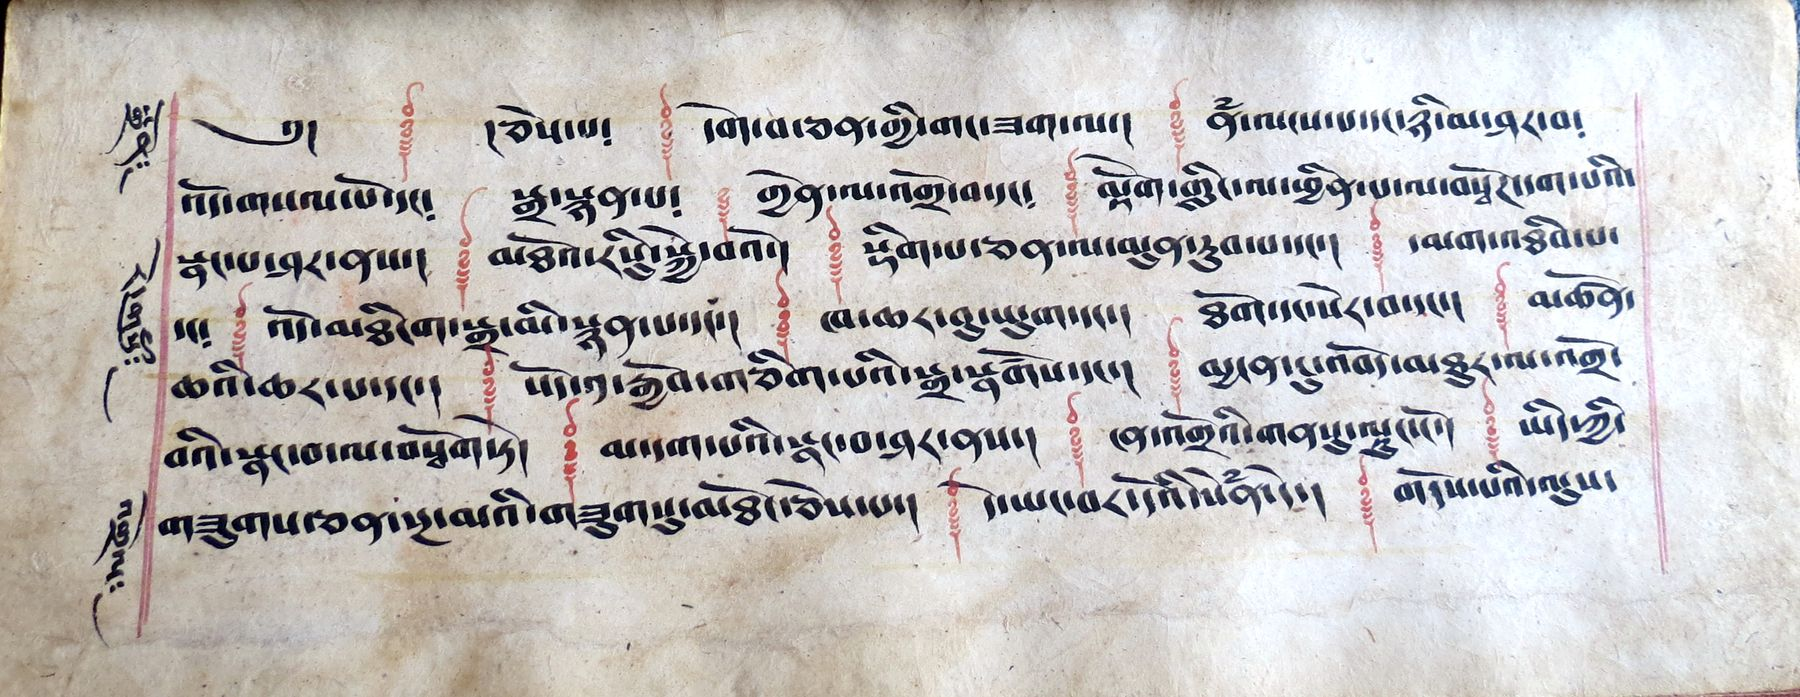ཅེས་པས། དགེ་བ་ཅན་གྱི་གང་ཟག་ལ་ནམ་ལངས་པ་དང་ཉི་མ་ཤར་བ། 
འོད་གསལ་པོ་དང་། སྒྲ་སྙན་པ། གྱེན་ལ་འགྲོ་བ་དང་། མེ་ཏོག་གླིང་ལ་ཕྱིན་པ་ལས་སོགས་དག་པའི་
སྣང་བ་ཤར་ནས། མཐོ་རིས་སུ་སྐྱེའོ། །སྡིག་པ་ཅན་ལ་མུན་རུབ་པ་དང་། སྨག་འཐིབས་པ། 
འོད་མཐིང་ནག་དང་སྒྲ་མི་སྙན་པ་དང་། ཁ་ཆར་བུ་ཡུག་དང་། ཐོག་དང་སེར་བ་དང་། མཚོན་
ཆའི་ཆར་བ་དང་། སོད་ཅིག་རྒྱོབ་ཅིག་པའི་སྒྲ་སྣ་ཚོགས་དང་། མྱ་ངན་ངུ་འབོད་ཐུར་ལ་འགྲོ་
བའི་སྣང་བ་ལས་སོགས། མ་དག་པའི་སྣང་བ་ཤར་ནས། ངན་འགྲོའི་གནས་སུ་ལྟུང་ངོ་། །ཡིད་ཀྱི་
གཟུགས་ཅན་སྔ་མའི་གཟུགས་སུ་མཐོང་། །ཞེས་པས། དེ་ཡང་བར་དོའི་སེམས་ཅན་དེ། གདོས་པའི་ལུས་